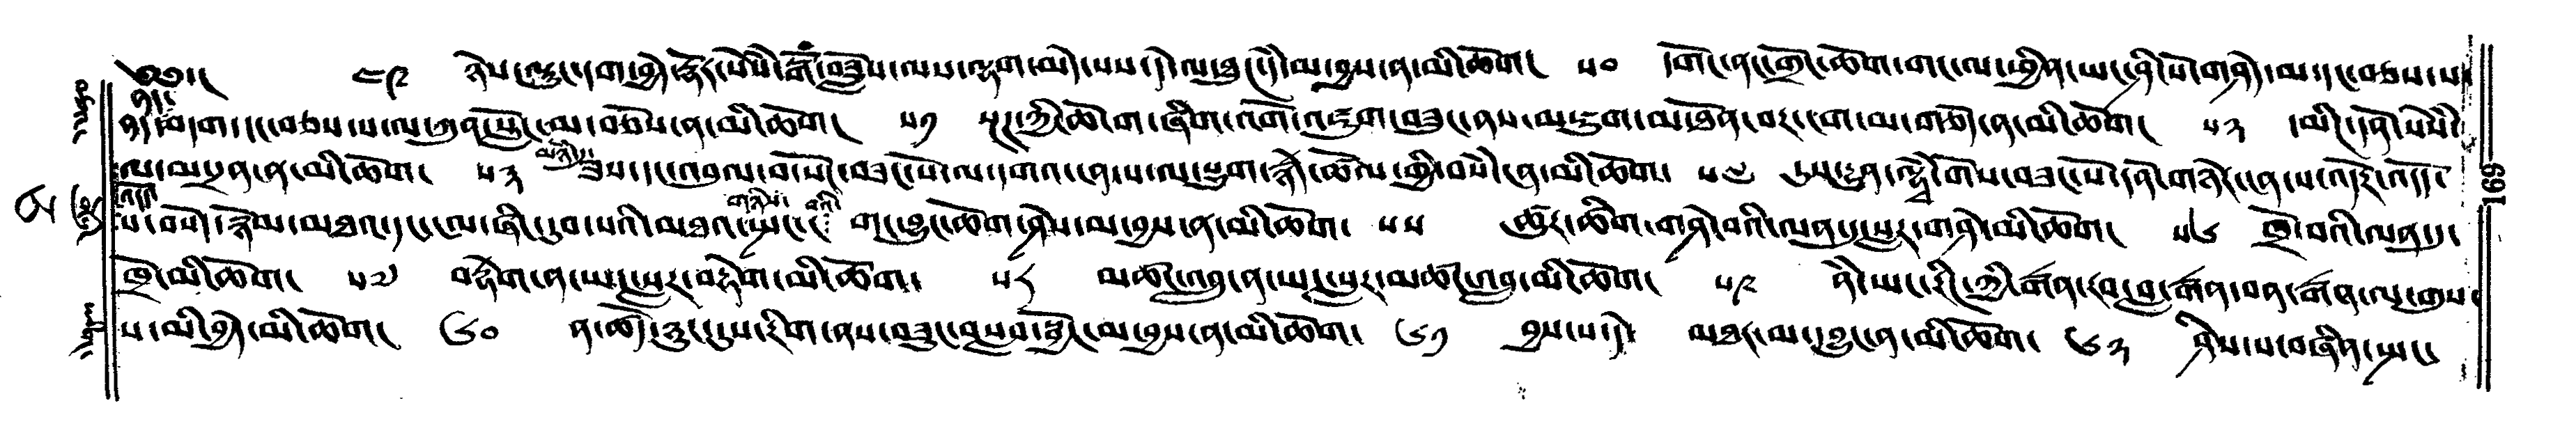༤༩ ཉེས་ལྟུང་དག་བྱེད་རྡོར་སེམས་སྒོམ་བཟླས་ལས་ལྷག་མེད་པས་དེ་ལ་ཐུགས་དམ་མ་བྱས་ན་མི་ཆོག ༥༠ དགོང་ནངས་གྲོང་ཆོག་གང་ལ་ཕྱིན་ཀྱང་ཤི་བོ་གཤེད་མ་དང་བཅས་པ་
ནད་ནད་བདག་དང་བཅས་པ་ལ་ཀུན་སློང་མ་བཅོས་ན་མི་ཆོག ༥༡ སྔགས་ཀྱི་ཆོ་ག་ཞིག་འགོ་བཙུགས་ནས་བཟུང་མཇུག་མ་ཐོན་བར་ངག་མ་གཅད་ན་མི་ཆོག ༥༢ དམིགས་དོན་སེམས་
ལ་མ་དྲན་ན་མི་ཆོག ༥༣ མཉམ་དུ་ཟས་དང་འབུལ་བ་སོགས་བཟང་པོ་ལ་དགའ་ངན་པ་ལ་སྡུག་རྙེད་འཚོལ་གྱི་བསམ་ངན་མི་ཆོག ༥༤ དུས་རྒྱུན་ལྷྭམ་གོས་བཟང་པོ་དོན་གཉེར་ངན་པ་འདོར་འདོད་
པ་བསོད་སྙོམས་མཐའ་དང་། ངལ་ཞིང་དུབ་པའི་མཐའ་་གཉིས་སྤངས་བའི་གང་བྱུང་ཆོག་ཤེས་མ་བྱས་ན་མི་ཆོག ༥༥ ཚུར་ཚིག་གཤེ་བའི་ལན་དུ་སླར་གཤེ་མི་ཆོག ༥༦ ཁྲོ་བའི་ལན་དུ་
ཁྲོ་མི་ཆོག ༥༧ བརྡེགས་ན་ཡང་སླར་རྡེག་མི་ཆོག ༥༨ མཚང་འབྲུ་ན་ཡང་སླར་མཚང་འབྲུ་མི་ཆོག ༥༩ ནམ་ཡང་རིགས་ཀྱི་རྒན་རབས་བླ་རྒན་བན་རྒན་ལ་གུས་
པ་མི་བྱེད་མི་ཆོག ༦༠ ན་ཚོད་ཆུང་དུས་རིག་གནས་ནས་བཟུང་བསླབ་སྦྱོང་མ་བྱས་ན་མི་ཆོག ༦༡ བྱས་པ་དེ་མཐར་མ་དབྱུང་ན་མི་ཆོག༦༢ ཤེས་པ་བཞིན་སྤང་